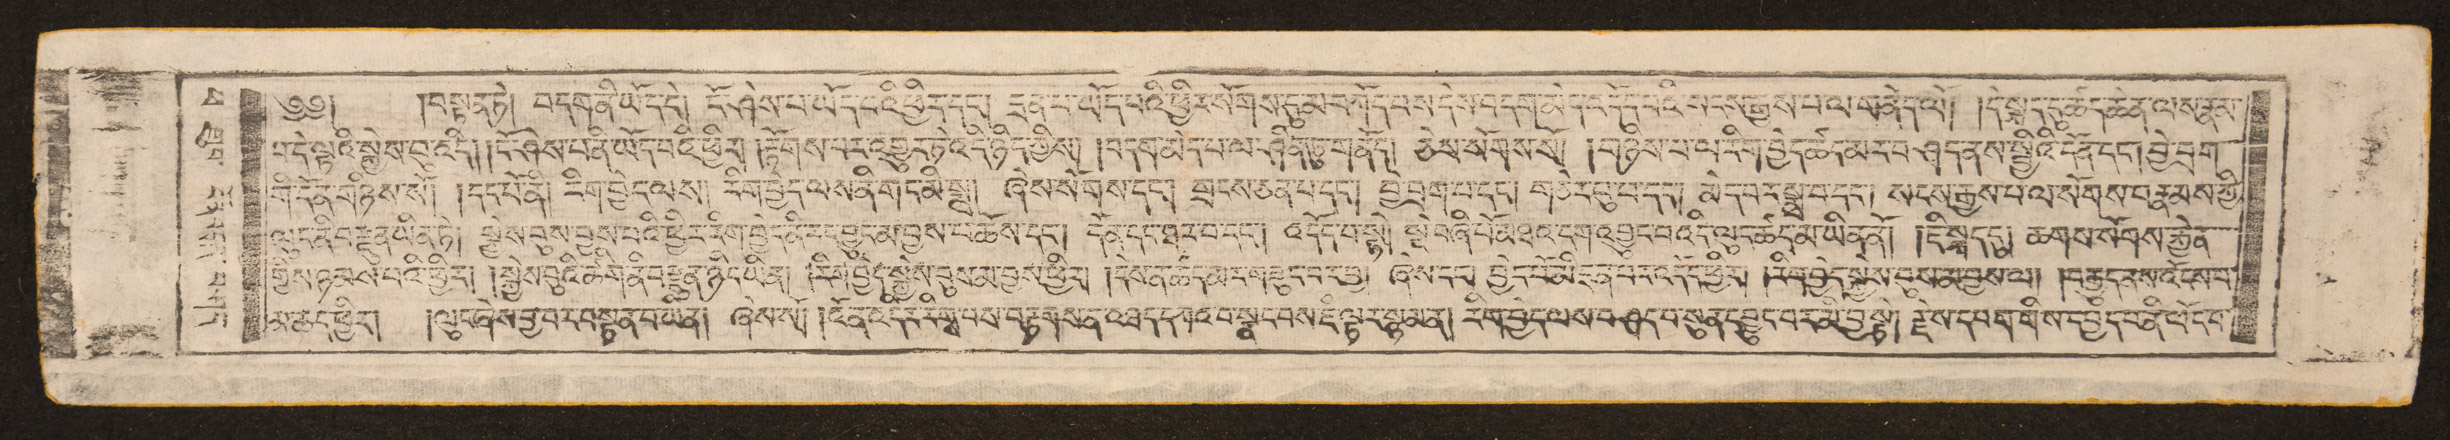༄༅། །བསྟན་ཏེ། བདག་ནི་ཡོད་དེ། ངོ་ཤེས་པ་ཡོད་པའི་ཕྱིར་དང་། དྲན་པ་ཡོད་པའི་ཕྱིར་སོགས་དུ་མ་བཀོད་པས་དེས་བདག་མེད་འདོད་པའི་སངས་རྒྱས་པ་ལ་གནོད་ལོ། །དེ་སྐད་དུ་ཚད་ཆེན་ལས་རྣམ་
བ་དེ་ལྟའི་སྐྱེས་བུ་འདི། །ངོ་ཤེས་པ་ནི་ཡོད་པའི་ཕྱིར། །རྟོགས་པར་འགྱུར་ཏེ་འདི་ཉིད་ཀྱིས། །བདག་མེད་པ་ལ་ཤིན་ཏུ་གནོད། ཅེས་སོགས་སོ། །གཉིས་པ་ལ་རིག་བྱེད་ཚད་མར་བཤད་ནས་སྤྱིའི་དོན་དང་། བྱེ་བྲག་
གི་དོན་གཉིས་སོ། །དང་པོ་ནི། རིག་བྱེད་ལས། རིག་བྱེད་ལས་ནི་གང་མི་སྨྲ། ཞེས་སོགས་དང་། གྲངས་ཅན་པ་དང་། བྱེ་བྲག་པ་དང་། གཅེར་བུ་པ་དང་། མེད་པར་སྨྲ་བ་དང་། སངས་རྒྱས་པ་ལ་སོགས་བ་རྣམས་ཀྱི་
ལུང་ནི་བརྫུན་ཡིན་ཏེ། སྐྱེས་བུས་བྱས་པའི་ཕྱིར་རིག་བྱེད་ནི་རང་བྱུང་མ་བྱས་པ་ཆོས་དང་། དོན་དང་ཐར་བ་དང་། འདོད་པ་སྟེ། སྡེ་བཞི་པོ་མཐའ་དག་འབྱུང་བ་འདི་ལུང་ཚད་མ་ཡིན་ནོ། །ཇི་སྐད་དུ། ཆགས་སོགས་རྐྱེན་
གྱིས་ཉམས་པའི་ཕྱིར། །སྐྱེས་བུའི་ཚིག་ནི་བརྫུན་ཉིད་ཡིན། །རིག་བྱེད་སྐྱེས་བུས་མ་བྱས་ཕྱིར། །དེས་ན་ཚད་མར་གཟུང་བར་བྱ། ཞེས་དང་། བྱེད་པོ་མི་དྲན་པར་འདོད་ཕྱིར། །རིག་བྱེད་སྐྱེས་བུས་མ་བྱས་ལ། །བརྒྱུད་ནས་འོངས་བ་
མ་ཆད་ཕྱིར། །ལུང་ཞེས་བྱ་བར་བསྟན་པ་ཡིན། ཞེས་སོ། །འོན་འདིར་རིགས་པས་བརྟགས་ན་འཐད་དཀའ་བ་སྣང་བས་ཇི་ལྟར་སྙམ་ན། རིག་བྱེད་ལས་བཤད་པ་སུན་དབྱུང་བར་མི་བྱ་སྟེ། རྗེས་དཔག་གིས་དཔྱད་པ་ནི་ལོང་ང་